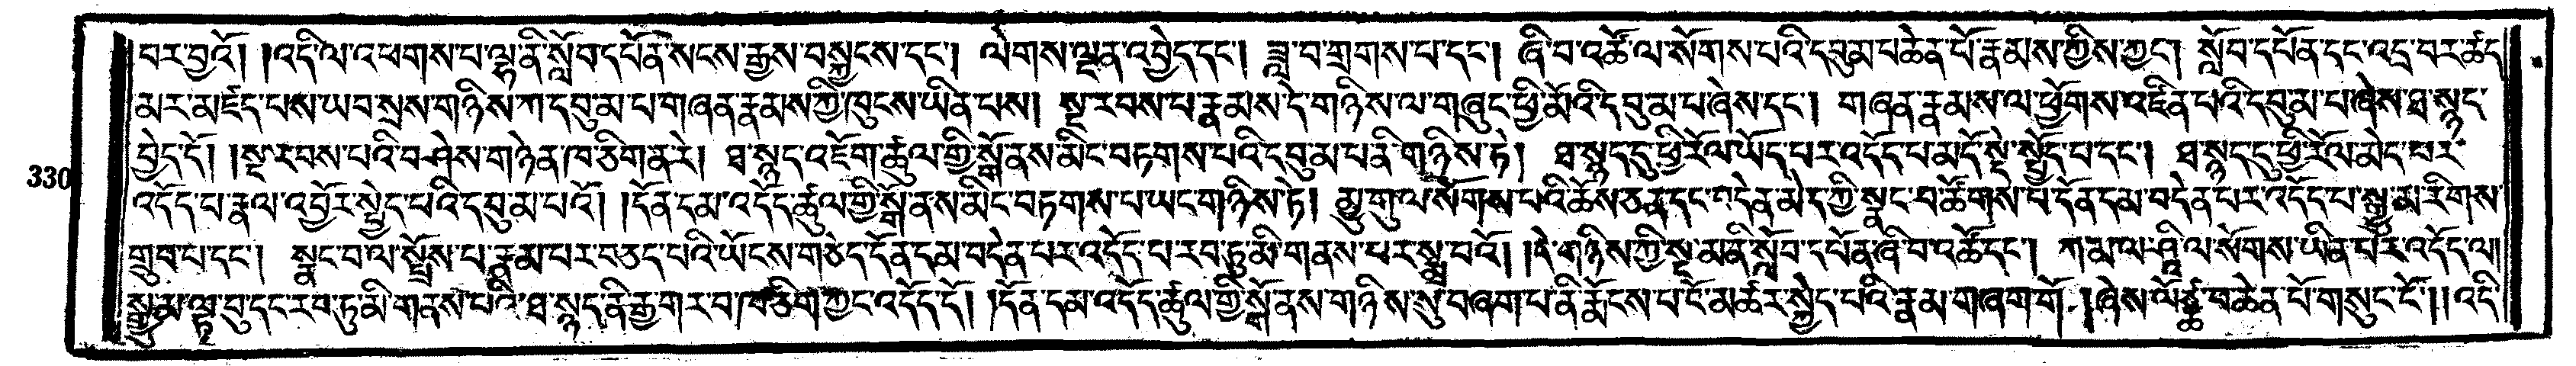པར་བྱའོ། །འདི་ལ་འཕགས་པ་ལྷ་ནི་སློབ་དཔོན་སངས་རྒྱས་བསྐྱངས་དང་། ལེགས་ལྡན་འབྱེད་དང་། ཟླ་བ་གྲགས་པ་དང་། ཞི་བ་འཚོ་ལ་སོགས་པའི་དབུམ་པ་ཆེན་པོ་རྣམས་ཀྱིས་ཀྱང་། སློབ་དཔོན་དང་འདྲ་བར་ཚད་
མར་མཛད་པས་ཡབ་སྲས་གཉིས་ཀ་དབུ་མ་པ་གཞན་རྣམས་ཀྱི་ཁུངས་ཡིན་པས། སྔ་རབས་པ་རྣམས་དེ་གཉིས་ལ་གཞུང་ཕྱི་མོའི་དབུ་མ་པ་ཞེས་དང་། གཞན་རྣམས་ལ་ཕྱོགས་འཛིན་པའི་དབུ་མ་པ་ཞེས་ཐ་སྙད་
བྱེད་དོ། །སྔ་རབས་པའི་བཤེས་གཉེན་ཁ་ཅིག་ན་རེ། ཐ་སྙད་འཇོག་ཚུལ་གྱི་སྒོ་ནས་མིང་བཏགས་པའི་དབུ་མ་པ་ནི་གཉིས་ཏེ། ཐ་སྙད་དུ་ཕྱི་རོལ་ཡོད་པར་འདོད་པ་མདོ་སྡེ་སྤྱོད་པ་དང་། ཐ་སྙད་དུ་ཕྱི་རོལ་མེད་པར་
འདོད་པ་རྣལ་འབྱོར་སྤྱེད་པའི་དབུ་མ་པའོ། །དོན་དམ་འདོད་ཚུལ་གྱི་སྒོ་ནས་མིང་བཏགས་པ་ཡང་གཉིས་ཏེ། མྱུ་གུ་ལ་སོགས་པའི་ཆོས་ཅན་དང་བདེན་མེད་ཀྱི་སྣང་བ་ཚོགས་པ་དོན་དམ་བདེན་པར་འདོད་པ་སྒྱུར་མ་རིགས་
གྲུབ་པ་དང་། སྣང་བ་ལ་སྤྲོས་པ་རྣམ་པར་བཅད་པའི་ཡོངས་གཅེད་དོན་དམ་བདེན་པར་འདོད་པ་རབ་ཏུ་མི་གནས་པར་སྨྲ་བའོ། །དེ་གཉིས་ཀྱི་སྔ་མ་ནི་སློབ་དཔོན་ཞི་བ་འཚོ་དང་། ཀ་མ་ལ་ཤཱི་ལ་སོགས་ཡིན་པར་འདོད་ལ།
སྒྱུ་མ་ལྟ་བུ་དང་རབ་ཏུ་མི་གནས་པའི་ཐ་སྙད་ནི་རྒྱ་གར་བ་ཁ་ཅིག་ཀྱང་འདོད་དོ། །དོན་དམ་འདོད་ཚུལ་གྱི་སྒོ་ནས་གཉིས་སུ་བཞག་པ་ནི་རྨོངས་པ་ངོ་མཚར་སྐྱེད་པའི་རྣམ་གཞག་གོ། །ཞེས་ལོ་ཙྪ་བ་ཆེན་པོ་གསུང་ངོ། །འདི་